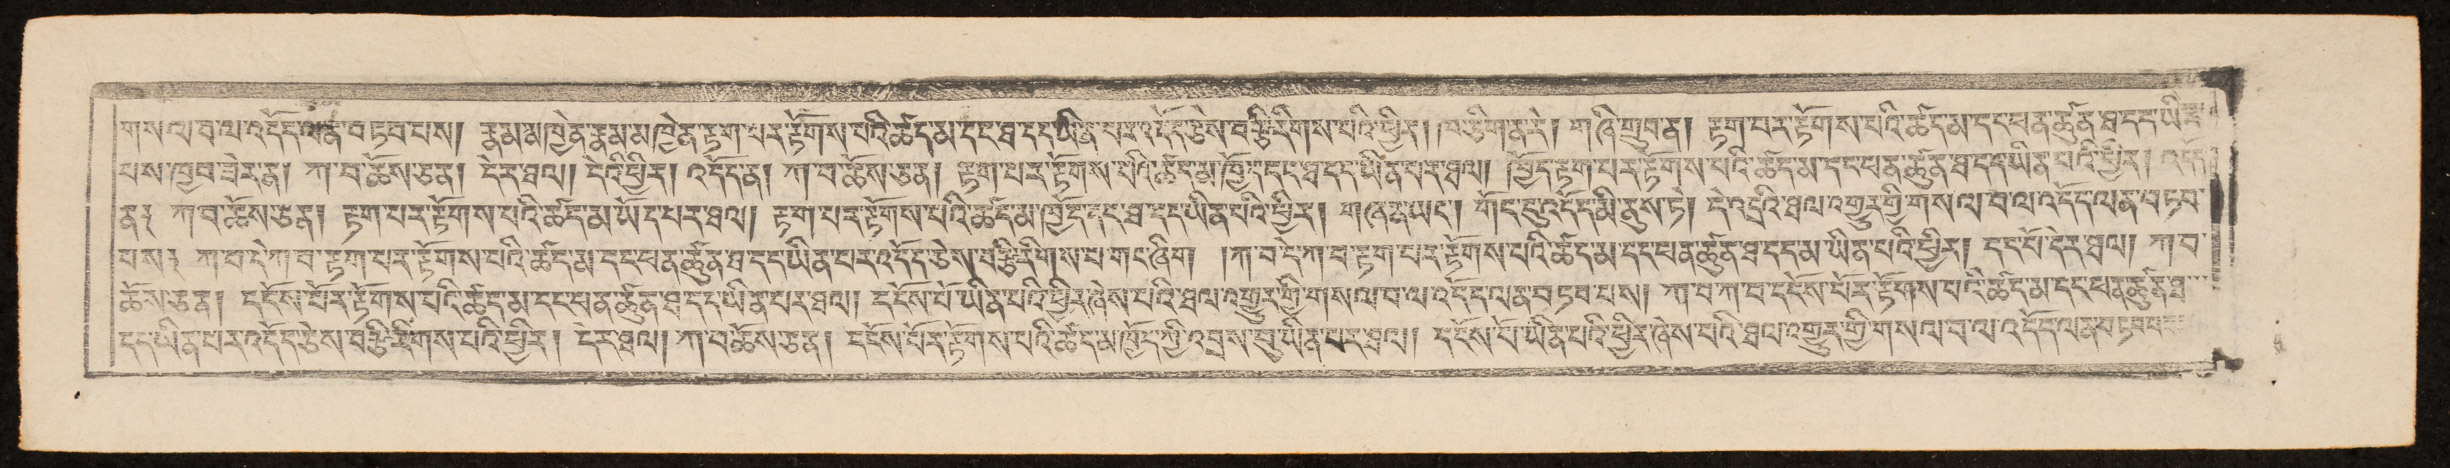གསལ་བ་ལ་འདོད་ལན་བཏབ་པས། རྣམ་མཁྱེན་རྣམ་མཁྱེན་རྟག་པར་རྟོགས་པའི་ཚད་མ་དང་ཐ་དད་ཡིན་པར་འདོད་ཅེས་བརྩི་རིགས་པའི་ཕྱིར། ཁ་ཅིག་ན་རེ། གཞི་གྲུབ་ན། རྟག་པར་རྟོགས་པའི་ཚད་མ་དང་ཕན་ཚུན་ཐ་དད་ཡིན་
པས་ཁྱབ་ཟེར་ན། ཀ་བ་ཆོས་ཅན། དེར་ཐལ། དེའི་ཕྱིར། འདོད་ན། ཀ་བ་ཆོས་ཅན། རྟག་པར་རྟོགས་པའི་ཚད་མ་ཁྱོད་དང་ཐ་དད་ཡིན་པར་ཐལ། ཁྱོད་རྟག་པར་རྟོགས་པའི་ཚད་མ་དང་ཕན་ཚུན་ཐ་དད་ཡིན་པའི་ཕྱིར། འདོད་
ན། ཀ་བ་ཆོས་ཅན། རྟག་པར་རྟོགས་པའི་ཚད་མ་ཡོད་པར་ཐལ། རྟག་པར་རྟོགས་པའི་ཚད་མ་ཁྱོད་དང་ཐ་དད་ཡིན་པའི་ཕྱིར། གཞན་ཡང་། གོང་དུ་འདོད་མི་ནུས་ཏེ། དེ་འདྲའི་ཐལ་འགྱུར་གྱི་གསལ་བ་ལ་འདོད་ལན་བཏབ་
པས། །ཀ་བ་དེ་ཀ་བ་རྟག་པར་རྟོགས་པའི་ཚད་མ་དང་ཕན་ཚུན་ཐ་དད་ཡིན་པར་འདོད་ཅེས་བརྩི་རིགས་པ་གང་ཞིག །ཀ་བ་དེ་ཀ་བ་རྟག་པར་རྟོགས་པའི་རྟོགས་པའི་ཚད་མ་དང་ཕན་ཚུན་ཐ་དད་མ་ཡིན་པའི་ཕྱིར། དང་པོ་དེར་ཐལ། ཀ་བ་
ཆོས་ཅན། དངོས་པོར་རྟོགས་པའི་ཚད་མ་དང་ཕན་ཚུན་ཐ་དད་ཡིན་པར་ཐལ། དངོས་པོ་ཡིན་པའི་ཕྱིར་ཞེས་པའི་ཐལ་འགྱུར་གྱི་གསལ་བ་ལ་འདོད་ལན་བཏབ་པས། །ཀ་བ་ཀ་བ་དངོས་པོར་རྟོགས་པའི་ཚད་མ་དང་ཕན་ཚུན་ཐ་
དད་ཡིན་པར་འདོད་ཅེས་བརྩི་རིགས་པའི་ཕྱིར། དེར་ཐལ། ཀ་བ་ཆོས་ཅན། དངོས་པོར་རྟོགས་པའི་ཚད་མ་ཁྱོད་ཀྱི་འབྲས་བུ་ཡིན་པར་ཐལ། དངོས་པོ་ཡིན་པའི་ཕྱིར་ཞེས་པའི་ཐལ་འགྱུར་གྱི་གསལ་བ་ལ་འདོད་ལན་བཏབ་པས།